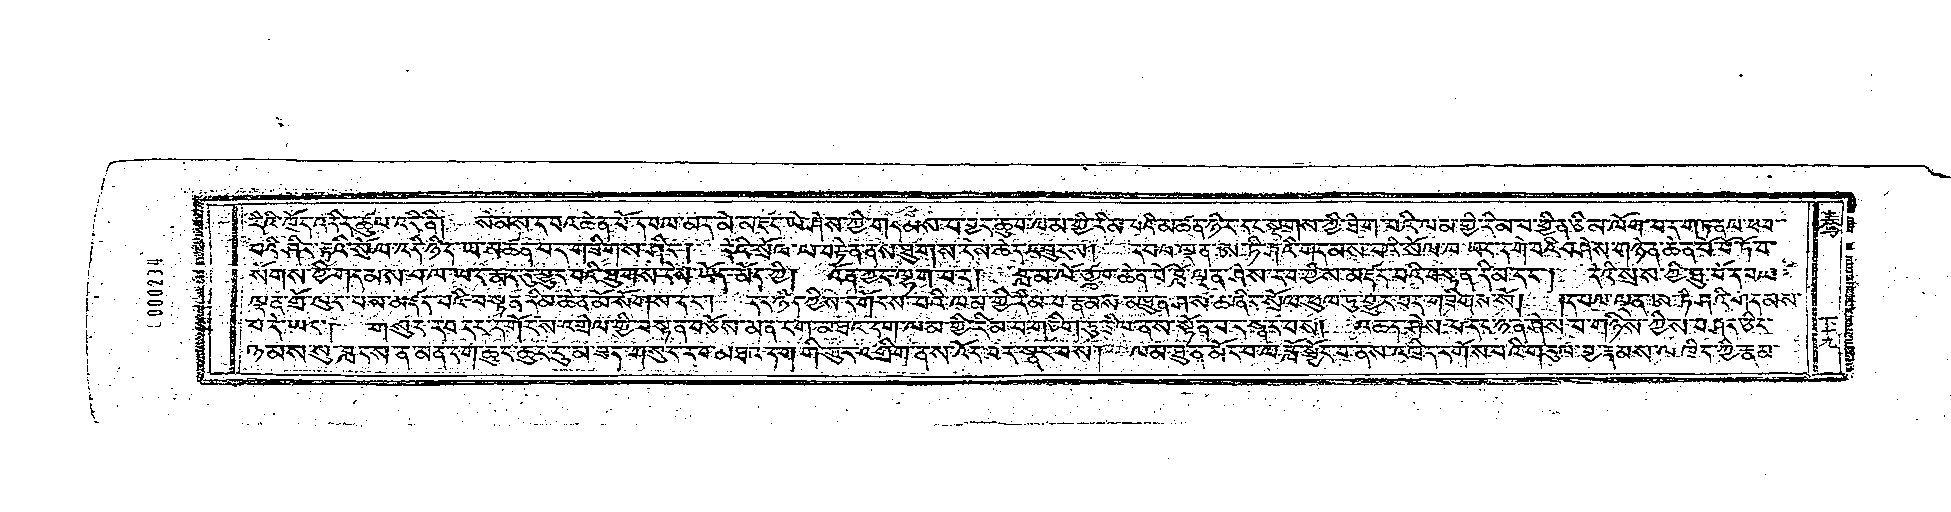རིའི་ཁྲོད་འདིར་ཚུལ་འདི་ནི། སེམས་དཔའ་ཆེན་པོ་དབལ་མར་མེ་མཛད་ཡེ་ཤེས་ཀྱི་གདམས་པ་བྱང་ཆུབ་ལམ་གྱི་རིམ་པའི་མཚན་ཉིད་དང་སྔགས་ཀྱི་ཐེག་པའི་ལམ་གྱི་རིམ་པ་ཕྱིན་ཅི་མ་ལོག་བར་གཏན་ལ་ཕབ་
པའི་ཤིང་རྟའི་སྲོལ་འདི་ཉིད་ཡ་མཚན་པར་གཟིགས་ཤིང་། དེའི་སྲོལ་ལ་བརྟེན་ནས་ཐུགས་ངེས་ཆེད་འཁྲུངས། དཔལ་ལྡན་ཨ་ཏི་ཤའི་གདམས་པའི་སྲོལ་ལ་ཡང་དགེ་བའི་བཤེས་གཉེན་ཆེན་པོ་པོ་ཏོ་བ་
སོགས་ཀྱི་གདམས་པ་ལ་ཡང་རྨད་དུ་བྱུང་བའི་ཐུགས་དེས་ཡོད་མོད་ཀྱི། འོན་ཀྱང་ལྷག་པར། བླ་མ་ལོ་ཙྪ་བ་ཆེན་པོ་བློ་ལྡན་ཤེས་རབ་ཀྱིས་མཛད་པའི་བསྟན་རིམ་དང་། དེའི་སྲས་ཀྱི་ཐུ་བོ་དཔལ་
ལྡན་གྲོ་ལུང་པས་མཛད་པའི་བསྟན་རིམ་ཆེན་མོ་སོགས་དང་། དང་ཉིད་ཀྱིས་དགོངས་པའི་ལམ་གྱི་རིམ་པ་རྣམས་མཐུན་ཤས་ཆེ་ཞིང་སྲོལ་ཕུལ་ཏུ་བྱུང་བར་གཟིགས་སོ། །དཔལ་ལྡན་ཨ་ཏི་ཤའི་གདམས་
པ་དེ་ཡང་། གསུང་རབ་དང་དགོངས་འགྲེལ་གྱི་བསྟན་བཅོས་མན་ངག་མཐའ་དག་ལམ་གྱི་རིམ་པ་གཅིག་ཏུ་དྲིལ་ནས་སྟོན་པར་སྣང་བས། འཆད་ཤེས་པ་དང་ཉ་ན་ཤེས་པ་གཉིས་ཀྱིས་བཤད་ཅིང་
ཉམས་སུ་བླངས་ན་མན་ངག་ཆུང་ཆུང་དུ་མ་ཟད་གསུང་རབ་མཐའ་དག་གི་གུར་འགྲིག་ནས་འོང་བར་སྣང་བས། ལམ་ཐུན་མོང་བ་ལ་བློ་སྦྱོང་བ་ནས་འཁྲིད་དགོས་པའི་གདུལ་བྱ་རྣམས་ལ་ཁྲིད་ཀྱི་རྣམ་